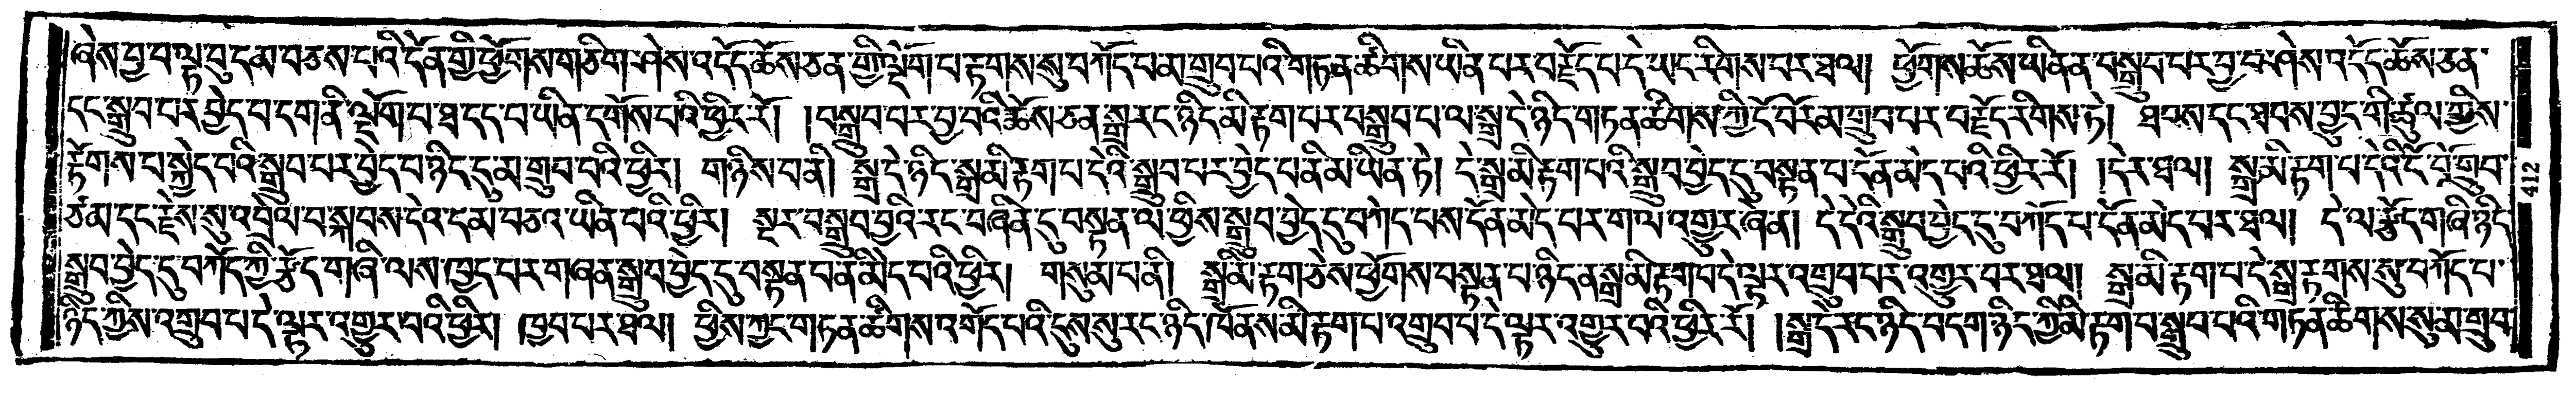ཞེས་བྱ་བ་ལྟ་བུ་དམ་བཅས་པའི་དོན་གྱི་ཕྱོགས་གཅིག་ཤེས་འདོད་ཆོས་ཅན་གྱི་ལྡོག་པ་རྟགས་སུ་བཀོད་པ་མ་གྲུབ་པའི་གཏན་ཚིགས་ཡིན་པར་བརྗོད་པ་དེ་ཡང་རིགས་པར་ཐལ། ཕྱོགས་ཆོས་ཡིན་ན་བསྒྲུབ་པར་བྱ་བ་ཤེས་འདོད་ཆོས་ཅན་
དང་སྒྲུབ་པར་བྱེད་པ་དག་ནི་ལྡོག་པ་ཐ་དད་པ་ཡིན་དགོས་པའི་ཕྱིར་རོ། །བསྒྲུབ་པར་བྱ་བའི་ཆོས་ཅན་སྒྲ་རང་ཉིད་མི་རྟག་པར་བསྒྲུབ་པ་ལ་སྒྲ་དེ་ཉིད་གཏན་ཚིགས་ཀྱི་ངོ་བོར་མ་གྲུབ་པར་བརྗོད་རིགས་ཏེ། ཐབས་དང་ཐབས་བྱུང་གི་ཚུལ་གྱིས་
རྟོགས་པ་སྐྱེད་པའི་སྒྲུབ་པར་བྱེད་པ་ཉིད་དུ་མ་གྲུབ་བའི་ཕྱིར། གཉིས་བ་ནི། སྒྲ་དེ་ཉིད་སྒྲ་མི་རྟག་པ་དེའི་སྒྲུབ་པར་བྱེད་པ་ནི་མ་ཡིན་ཏེ། དེ་སྒྲ་མི་རྟག་པའི་སྒྲུབ་བྱེད་དུ་བསྟན་པ་དོན་མེད་པའི་ཕྱིར་རོ། །དེར་ཐལ། སྒྲ་མི་རྟག་པ་དེའི་ངོ་བོ་གྲུབ་
ཙམ་དང་རྗེས་སུ་འབྲེལ་པ་སྐབས་དེའི་དམ་བཅའ་ཡིན་པའི་ཕྱིར། སྔར་བསྒྲུབ་བྱའི་རང་བཞིན་དུ་བསྟན་ལ་ཕྱིས་སྒྲུབ་བྱེད་དུ་བཀོད་པས་དོན་མེད་པར་ག་ལ་འགྱུར་ཞེ་ན། དེ་དེའི་སྒྲུབ་བྱེད་དུ་བཀོད་པ་དོན་མེད་པར་ཐལ། དེ་ལ་རྩོད་གཞི་ཉིད་
སྒྲུབ་བྱེད་དུ་བཀོད་ཀྱི་རྩོད་གཞི་ལས་ཁྱད་པར་གཞན་སྒྲུབ་བྱེད་དུ་བསྟན་བ་ནི་མེད་བའི་ཕྱིར། གསུམ་པ་ནི། སྒྲ་མི་རྟག་ཅེས་ཕྱོགས་བསྟན་པ་ཉིད་ན་སྒྲ་མི་རྟག་བ་དེ་ལྟར་འགྲུབ་པར་འགྱུར་བར་ཐལ། སྒྲ་མི་རྟག་པ་དེ་སྒྲ་རྟགས་སུ་བཀོད་པ་
ཉིད་ཀྱིས་འགྲུབ་པ་དེ་ལྟར་འགྱུར་བའི་ཕྱིར། ཁྱབ་པར་ཐལ། ཕྱིས་ཀྱང་གཏན་ཚིགས་འགོད་པའི་དུས་སུ་རང་ཉིད་ཁོ་ནས་མི་རྟག་པ་འགྲུབ་པ་དེ་ལྟར་འགྱུར་བའི་ཕྱིར་རོ། །སྒྲ་དེ་རང་ཉིད་བདག་ཉིད་ཀྱི་མི་རྟག་པ་སྒྲུབ་པའི་གཏན་ཚིགས་སུ་མ་གྲུབ་